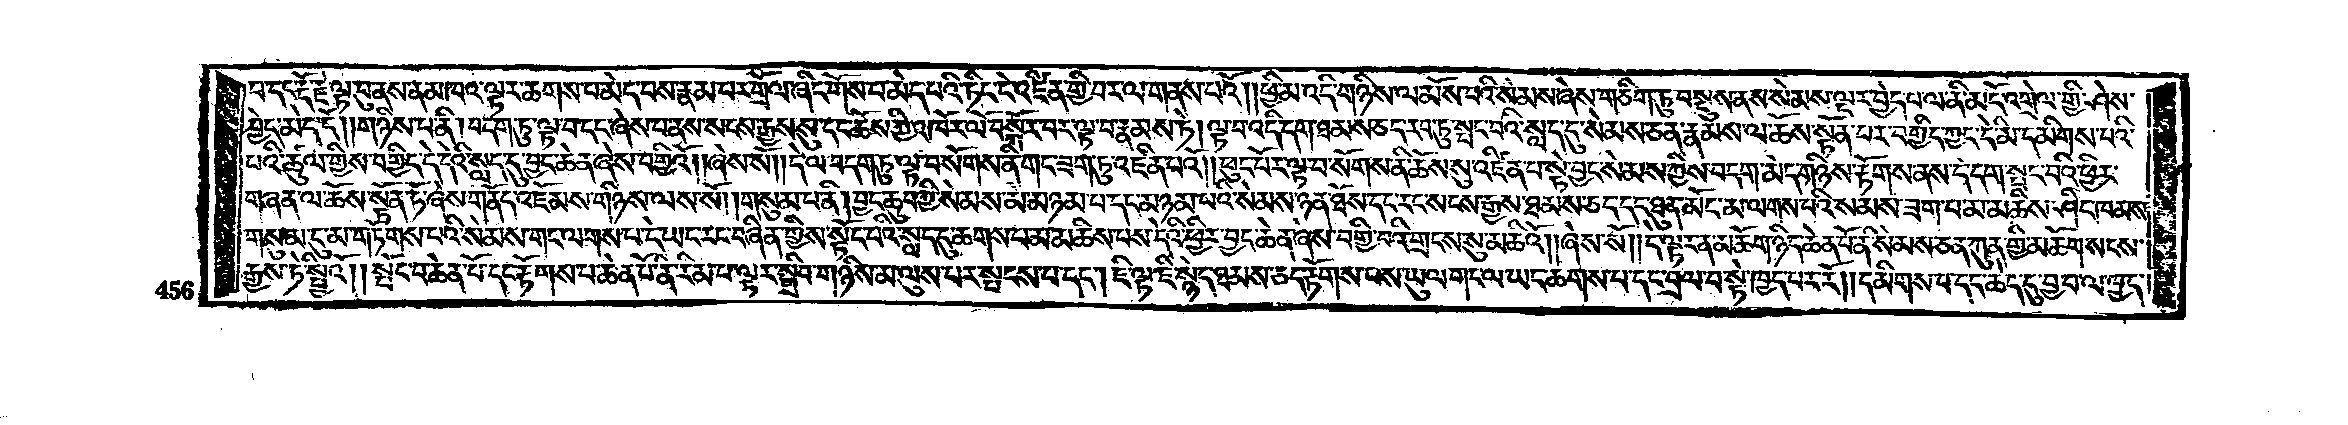པ་དང་རྡོ་རྗེ་ལྟ་བུ་ནས་ནམ་མཁའ་ལྟར་ཆགས་པ་མེད་པས་རྣམ་པར་གྲོལ་ཞིང་གོས་པ་མེད་པའི་ཏིང་ངེ་འཛིན་གྱི་བར་ལ་གནས་པའོ། །ཕྱི་མ་འདི་གཉིས་ལ་མོས་པའི་སེམས་ཞེས་གཅིག་ཏུ་བསྡུས་ནས་སེམས་ལྔར་བྱེད་པ་ལ་ནི་མདོ་འགྲེལ་གྱི་ཤེས་
བྱེད་མེད་དོ། །གཉིས་པ་ནི། བདག་ཏུ་ལྟ་བ་དང་ཞེས་པ་ནས་སངས་རྒྱས་སུ་དང་ཆོས་ཀྱི་འཁོར་ལོ་བསྐོར་བར་ལྟ་བ་རྣམས་ཏེ། ལྟ་བ་འདི་དག་ཐམས་ཅད་རབ་ཏུ་སྤང་བའི་སླད་དུ་སེམས་ཅན་རྣམས་ལ་ཆོས་སྟོན་པར་བགྱིད་ཀྱང་དེ་མི་དམིགས་པའི་
པའི་ཚུལ་གྱིས་བགྱིད་དེ་དེའི་སླད་དུ་བྱང་ཆེན་ཞེས་བགྱིའོ། །ཞེས་སོ། །དེ་ལ་བདག་ཏུ་ལྟ་བ་སོགས་ནི་གང་ཟག་ཏུ་འཛིན་པའོ། །ཕུང་པོར་ལྟ་བ་སོགས་ནི་ཆོས་སུ་འཛིན་པ་སྟེ་བྱང་སེམས་ཀྱིས་བདག་མེད་གཉིས་རྟོགས་ནས་དེ་དག་སྤང་བའི་ཕྱིར་གཞན་ལ་ཆོས་སྟོན་ཏོ་ཞེས་གནོད་འཇོམས་གཉིས་ལས་སོ། །གསུམ་པ་ནི། བྱང་ཆུབ་ཀྱི་སེམས་མི་མཉམ་པ་དང་མཉམ་པའི་སེམས་ཉན་ཐོས་དང་རང་སངས་རྒྱས་ཐམས་ཅད་དང་ཐུན་མོང་མ་ལེགས་པའི་སེམས་ཟག་པ་མ་མཆིས་ཤིང་ཁམས་
གསུམ་དུ་མ་གཏོགས་པའི་སེམས་གང་ལེགས་པ་དེ་ཡང་རང་བཞིན་གྱིས་སྟོང་པའི་སླད་དུ་ཆགས་པ་མ་མཆིས་པས་དེའི་ཕྱིར་བྱང་ཆེན་ཞེས་བགྱི་བའི་གྲངས་སུ་མཆིའོ། །ཞེས་སོ། །དེ་ལྟར་ན་མཆོག་ཉིད་ཆེན་པོ་ནི་སེམས་ཅན་ཀུན་གྱི་མཆོག་སངས་
རྒྱས་ཏེ་སྤྱིའོ། །སྤོང་བ་ཆེན་པོ་དང་རྟོགས་པ་ཆེན་པོ་ནི་རིམ་པ་ལྟར་སྒྲིབ་གཉིས་མ་ལུས་པར་སྤངས་པ་དང་། ཇི་ལྟ་ཇི་སྙེད་ཐམས་ཅད་རྟོགས་པས་ཡུལ་གང་ལ་ཡང་ཆགས་པ་དང་བྲལ་བ་སྟེ་ཁྱད་པར་རོ། །དམིགས་པ་དང་ཆེད་དུ་བྱ་བ་ལ་ཁྱད་